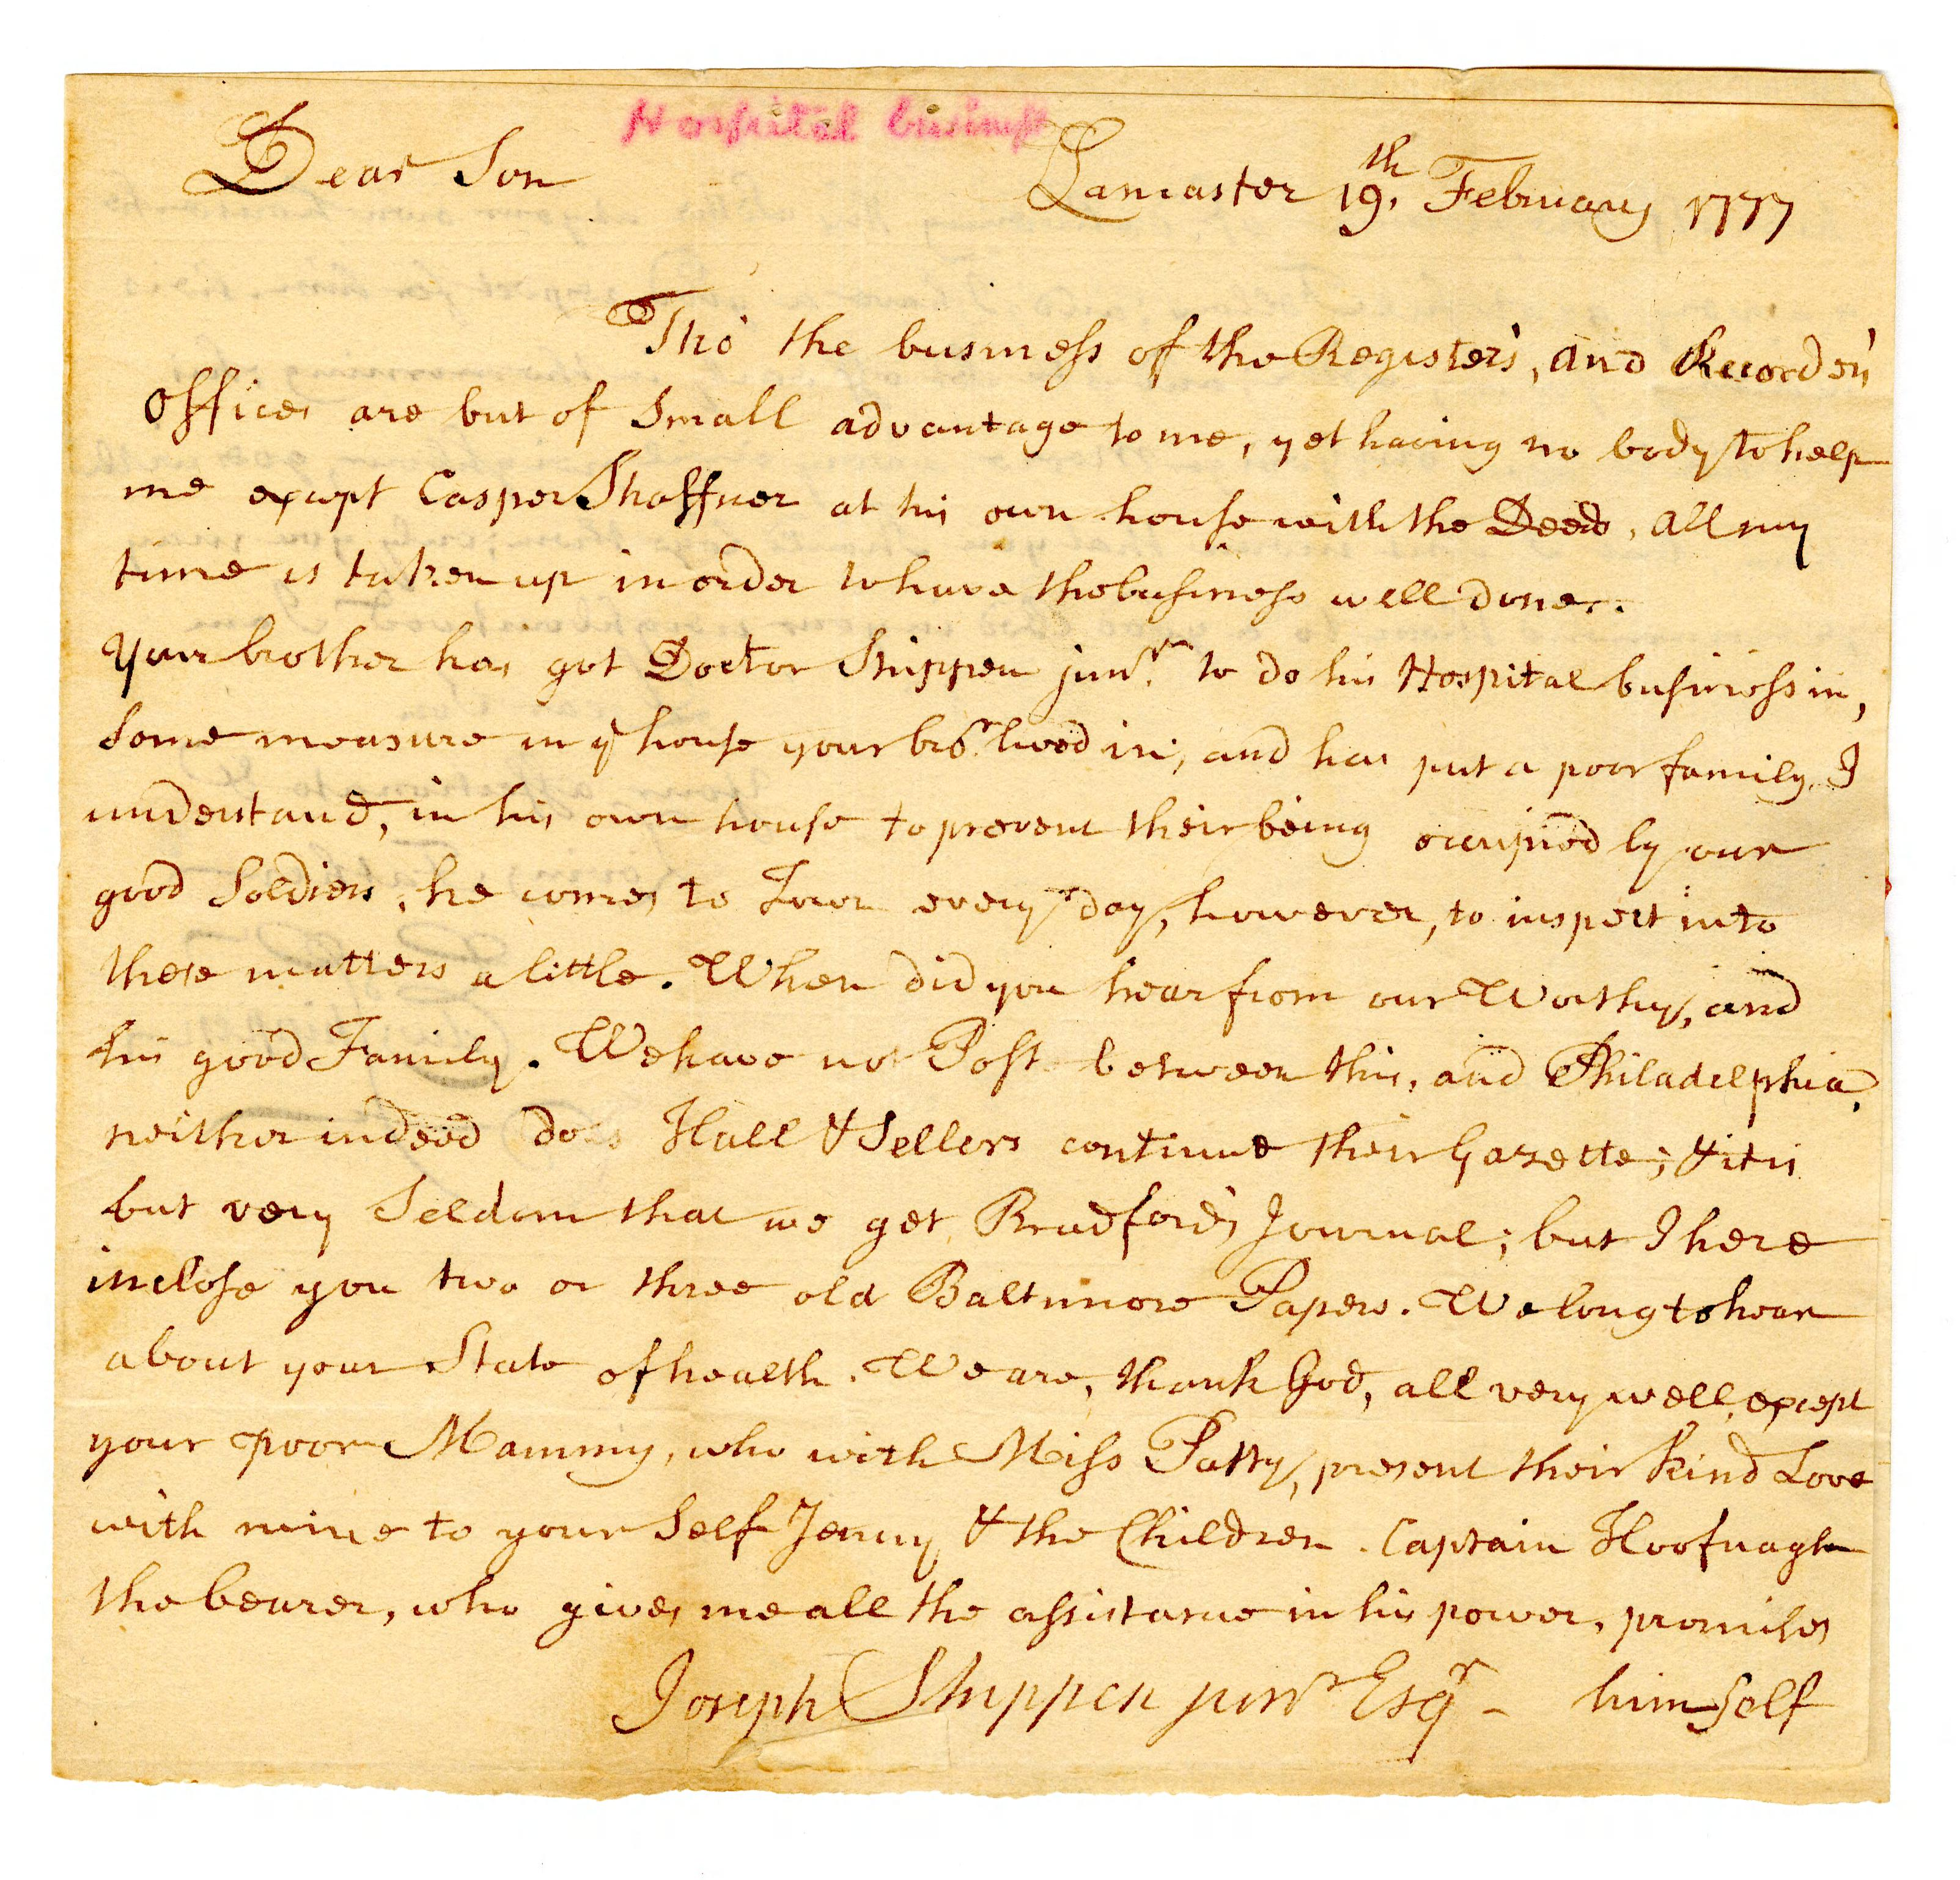Lancaster 19^th. February 1777
Dear Son
Tho' the business of the Register's, and Recorder'
offices are but of Small advantage to me, yet having no body to help
me except Casper Shaffner at his own house with the Deeds, all my
time is taken up in order to have the business well done.
Your brother has got Doctor Shippen jun^r. to do his Hospital business in,
some measure in y^e house your bro^r. lived in, and has put a poor family, I
understand, in his own house to prevent their being occupied by our
good Soldiers, he comes to Town every day, however, to inspect into
those matters a little. When did you hear from our Worthy, and
his good Family. We have no Post between this, and Philadelphia,
neither indeed do Hall & Sellers continue their Gazette; & it is
but very seldom that we get Bradford's Journal; but I here
inclose you two or three old Baltimore Papers. We long to hear
about your State of health. We are, thank God, all very well, except
your poor Mammy, who with Miss Patty, present their kind Love
with mine to your Self Jenny & the Children. Captain Hoofnagle
the bearer, who gives me all the assistance in his power, promises
Joseph Shippen jun^r Esq^r- himself